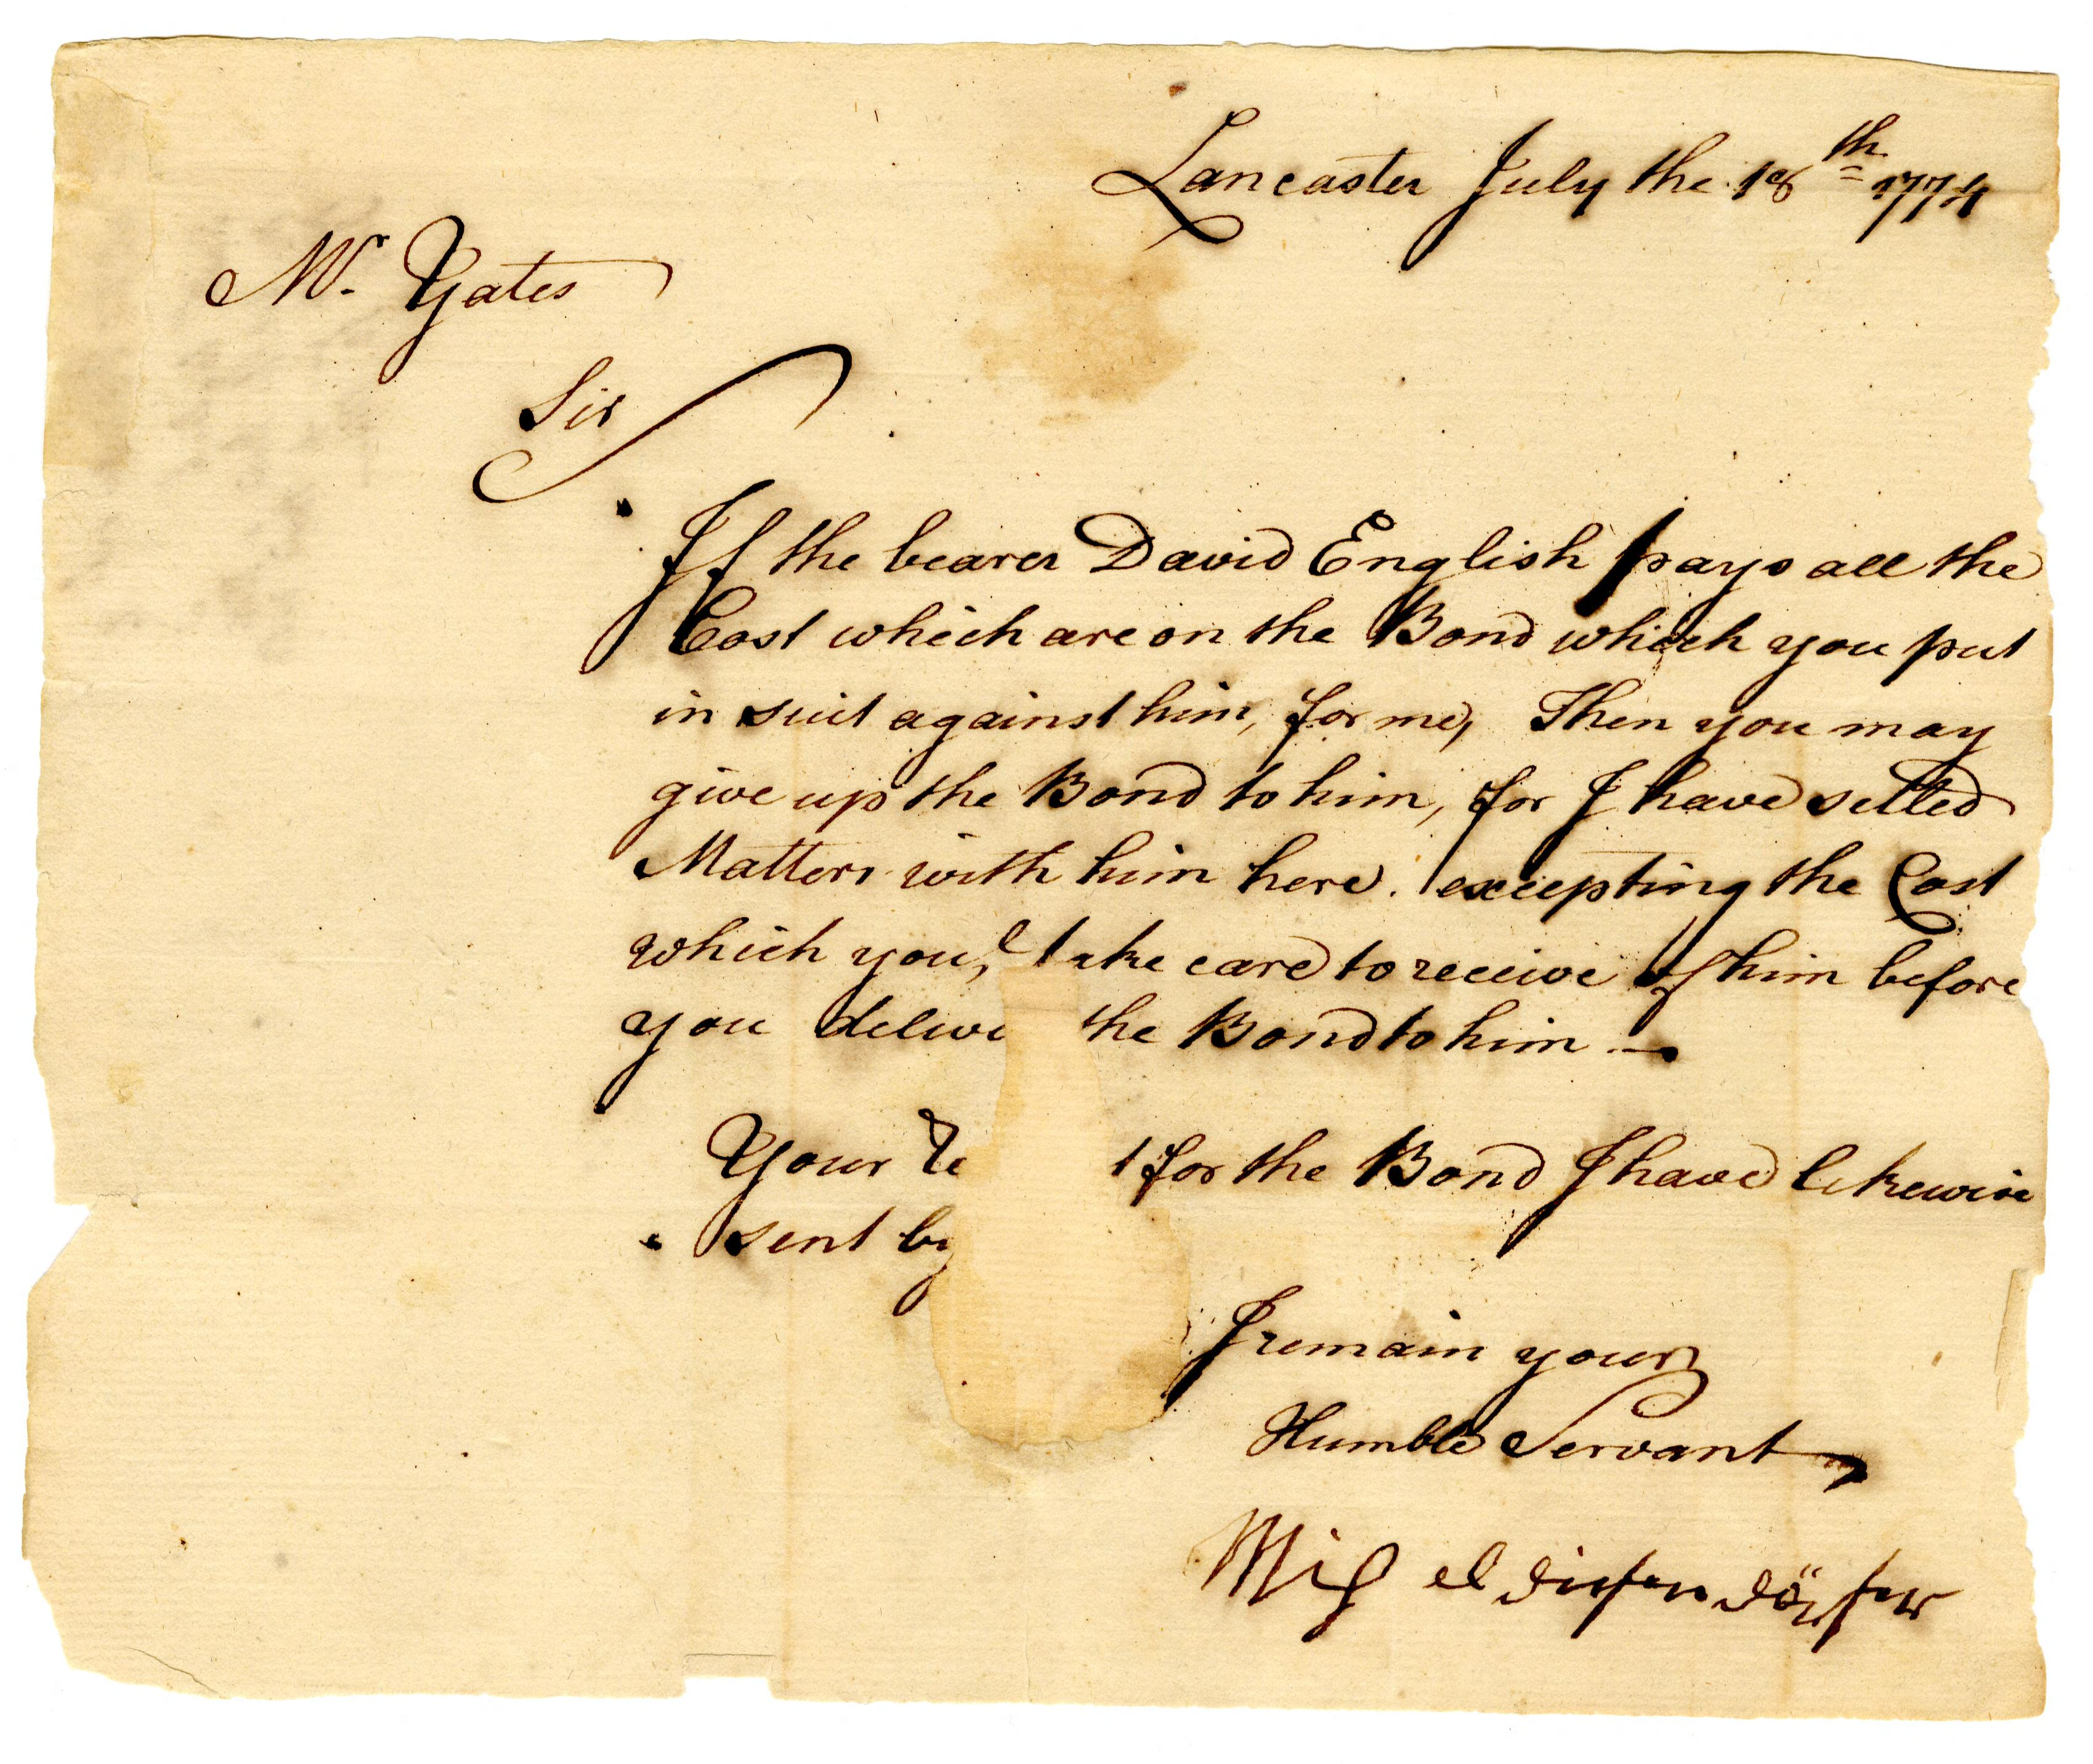Lancaster July the 18^th 1774
M^r Yates
Sir
If the bearer David English pays all the
Cost which are on the Bond which you put
in suit against him, for me, Then you may
give up the Bond to him, for I have setled
Matters with him here, excepting the Cost
which you^l, take care to receive of him before
you deliver the Bond to him.
Your le
1 for the Bond I have likewise
sent by
l remain your
Humble Servant
Michael Diffendörfer